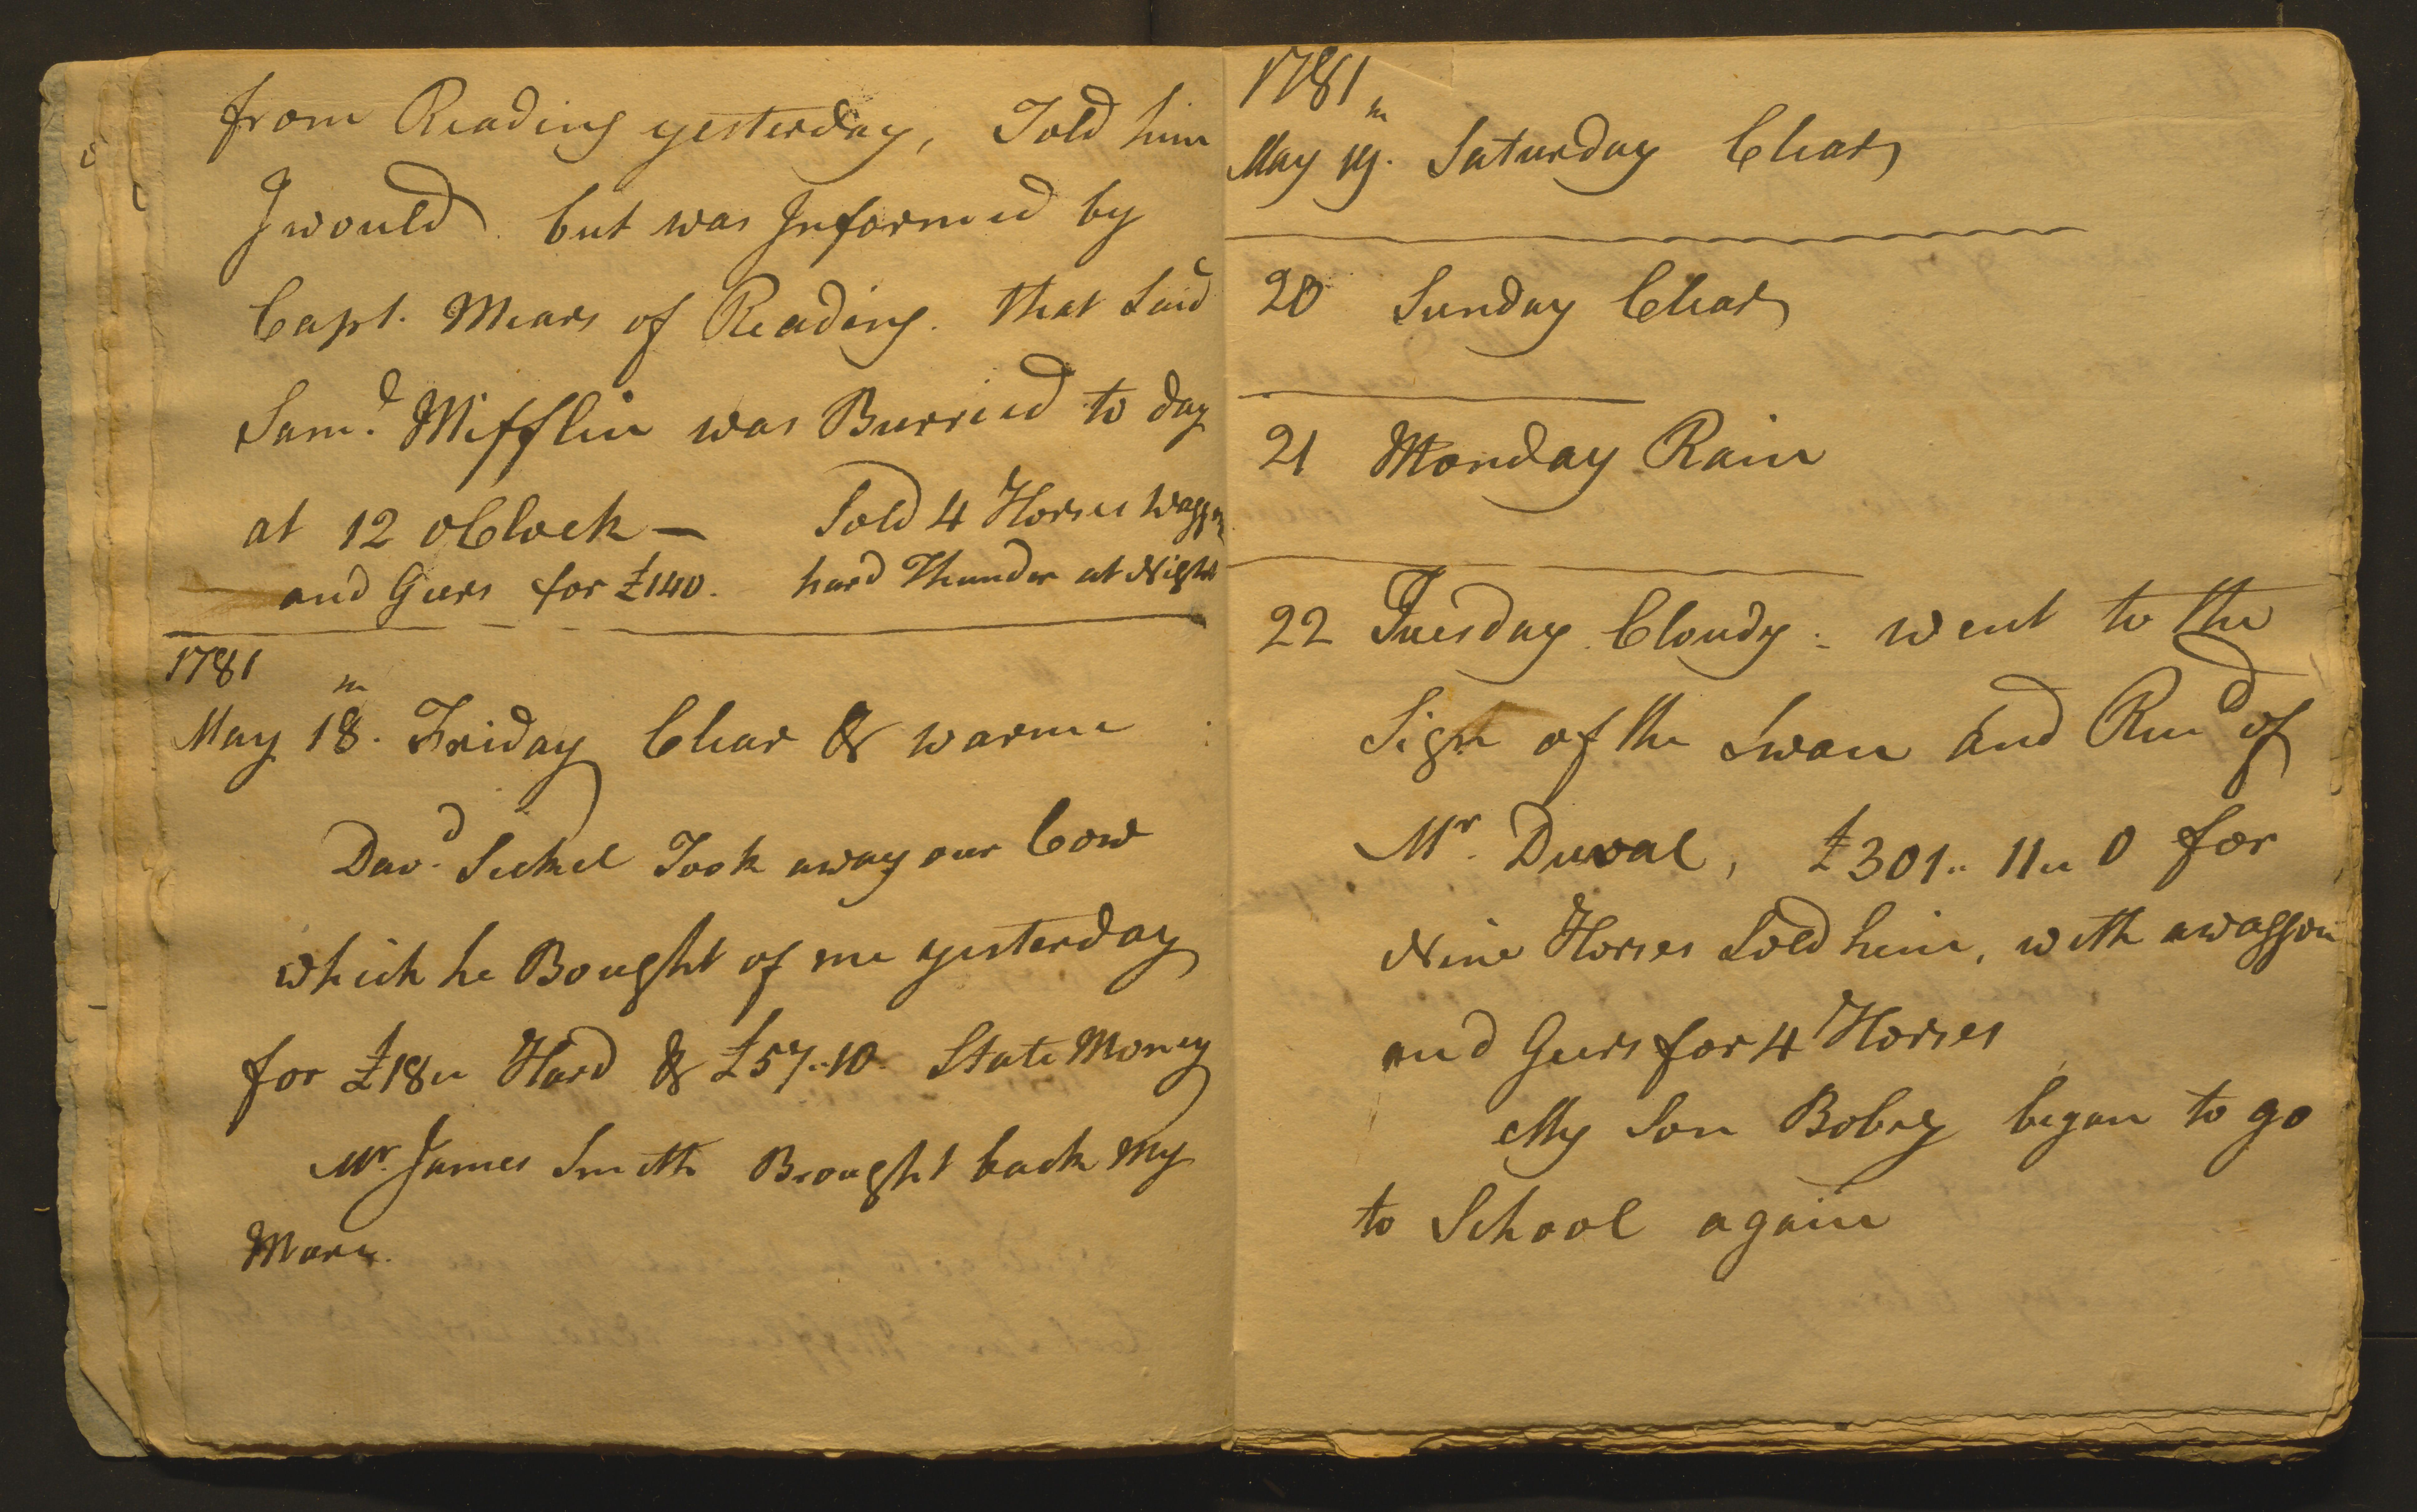from Reading yesterday, Told him
I would but was Informed by
Capt. Mears of Reading, that said
Sam^l. Mifflin was Burried to day
at 12 oClock- Sold 4 Horse waggons
and Geers for £140. hard Thunder at Night
1781
May 18h. Friday, Clear & warme
Dav^d. Seckel Took away our Cow
which he Bought of me yesterday
for £18- Hard & £57.10. State Money
M^r. James Smith Brought back My
Mare.
1781
May 19^th. Saturday Clear
20 Sunday Clear
21 Monday Rain
22 Tuesday Cloudy. went to the
Sign of the Swan and Rece^d of
M^r Duval, £301..11..0 for
Nine Horses sold him, with a waggon
and Geers for 4 Horses
My son Bobey began to go
to School again